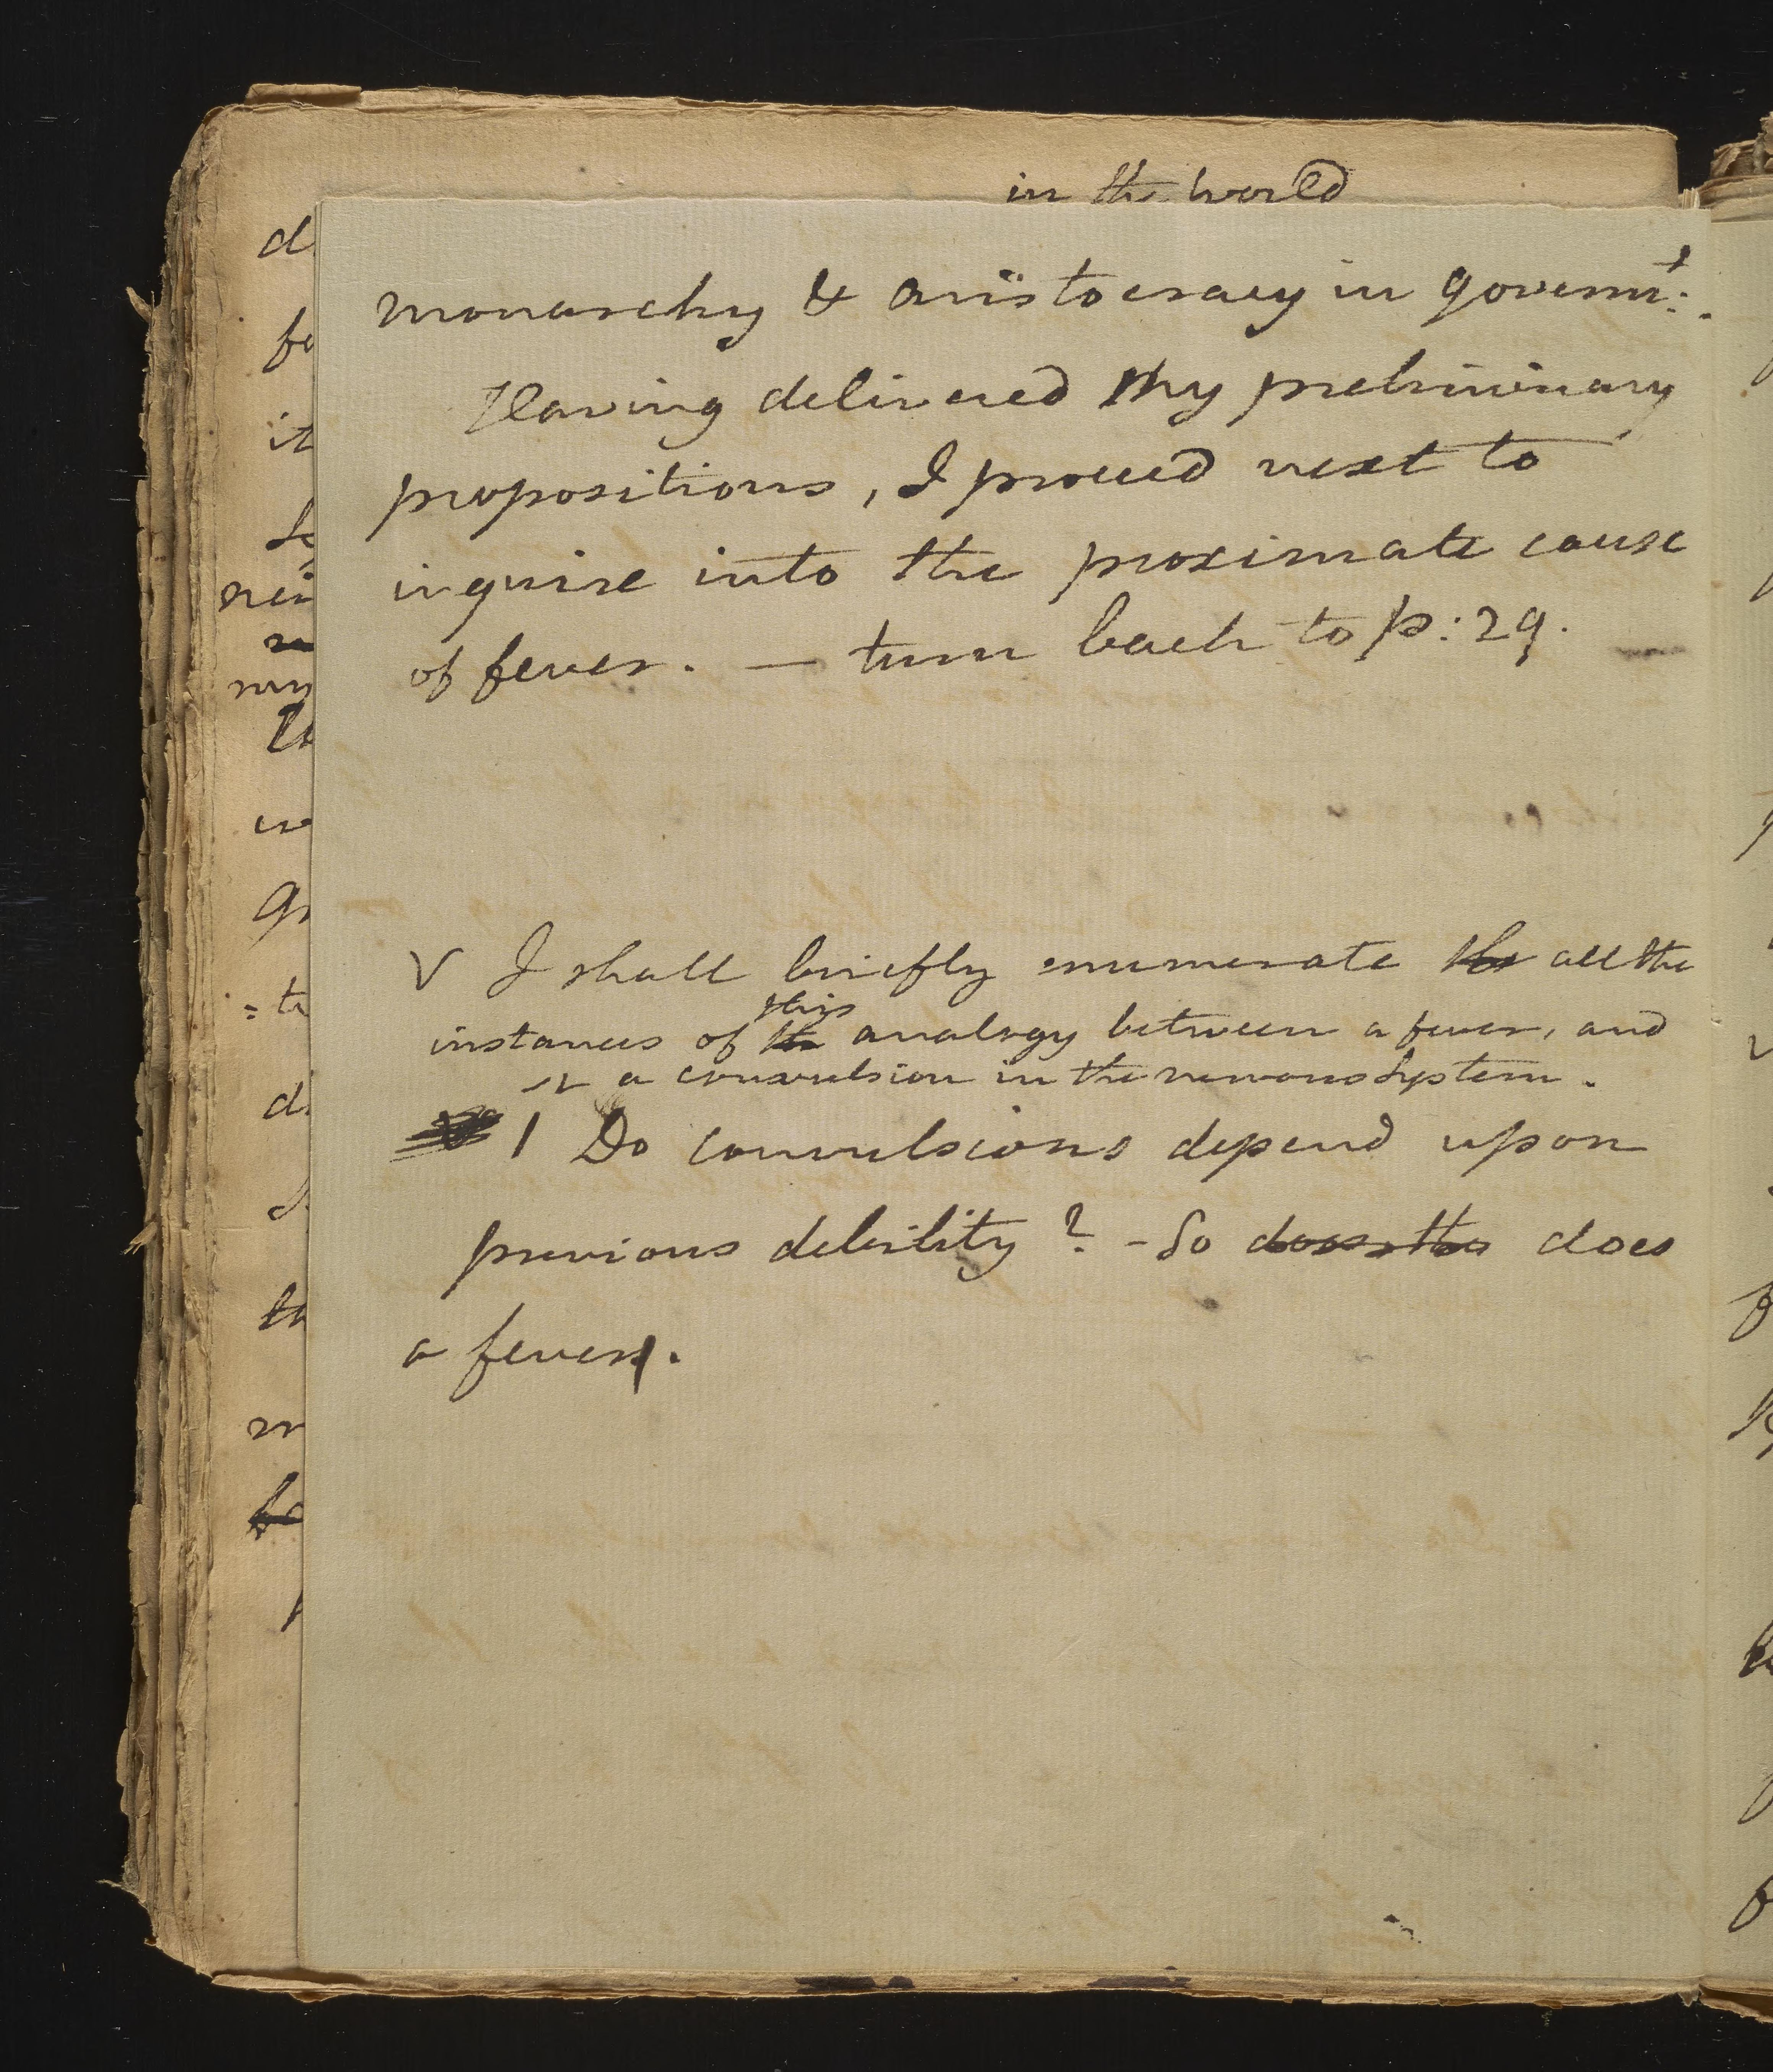monarchy & aristocracy in govern^t.
Having delivered my preliminary
propositions, I proceed next to
inquire into the proximate cause
of fever.- turn back to p. 29
V I shall briefly enumerate [the] all the
this
instances of [the] analogy between a fever, and
IV a convulsion in the nervous system.
Do convulsions depend upon
previous debility? So [does the] does
a fever.